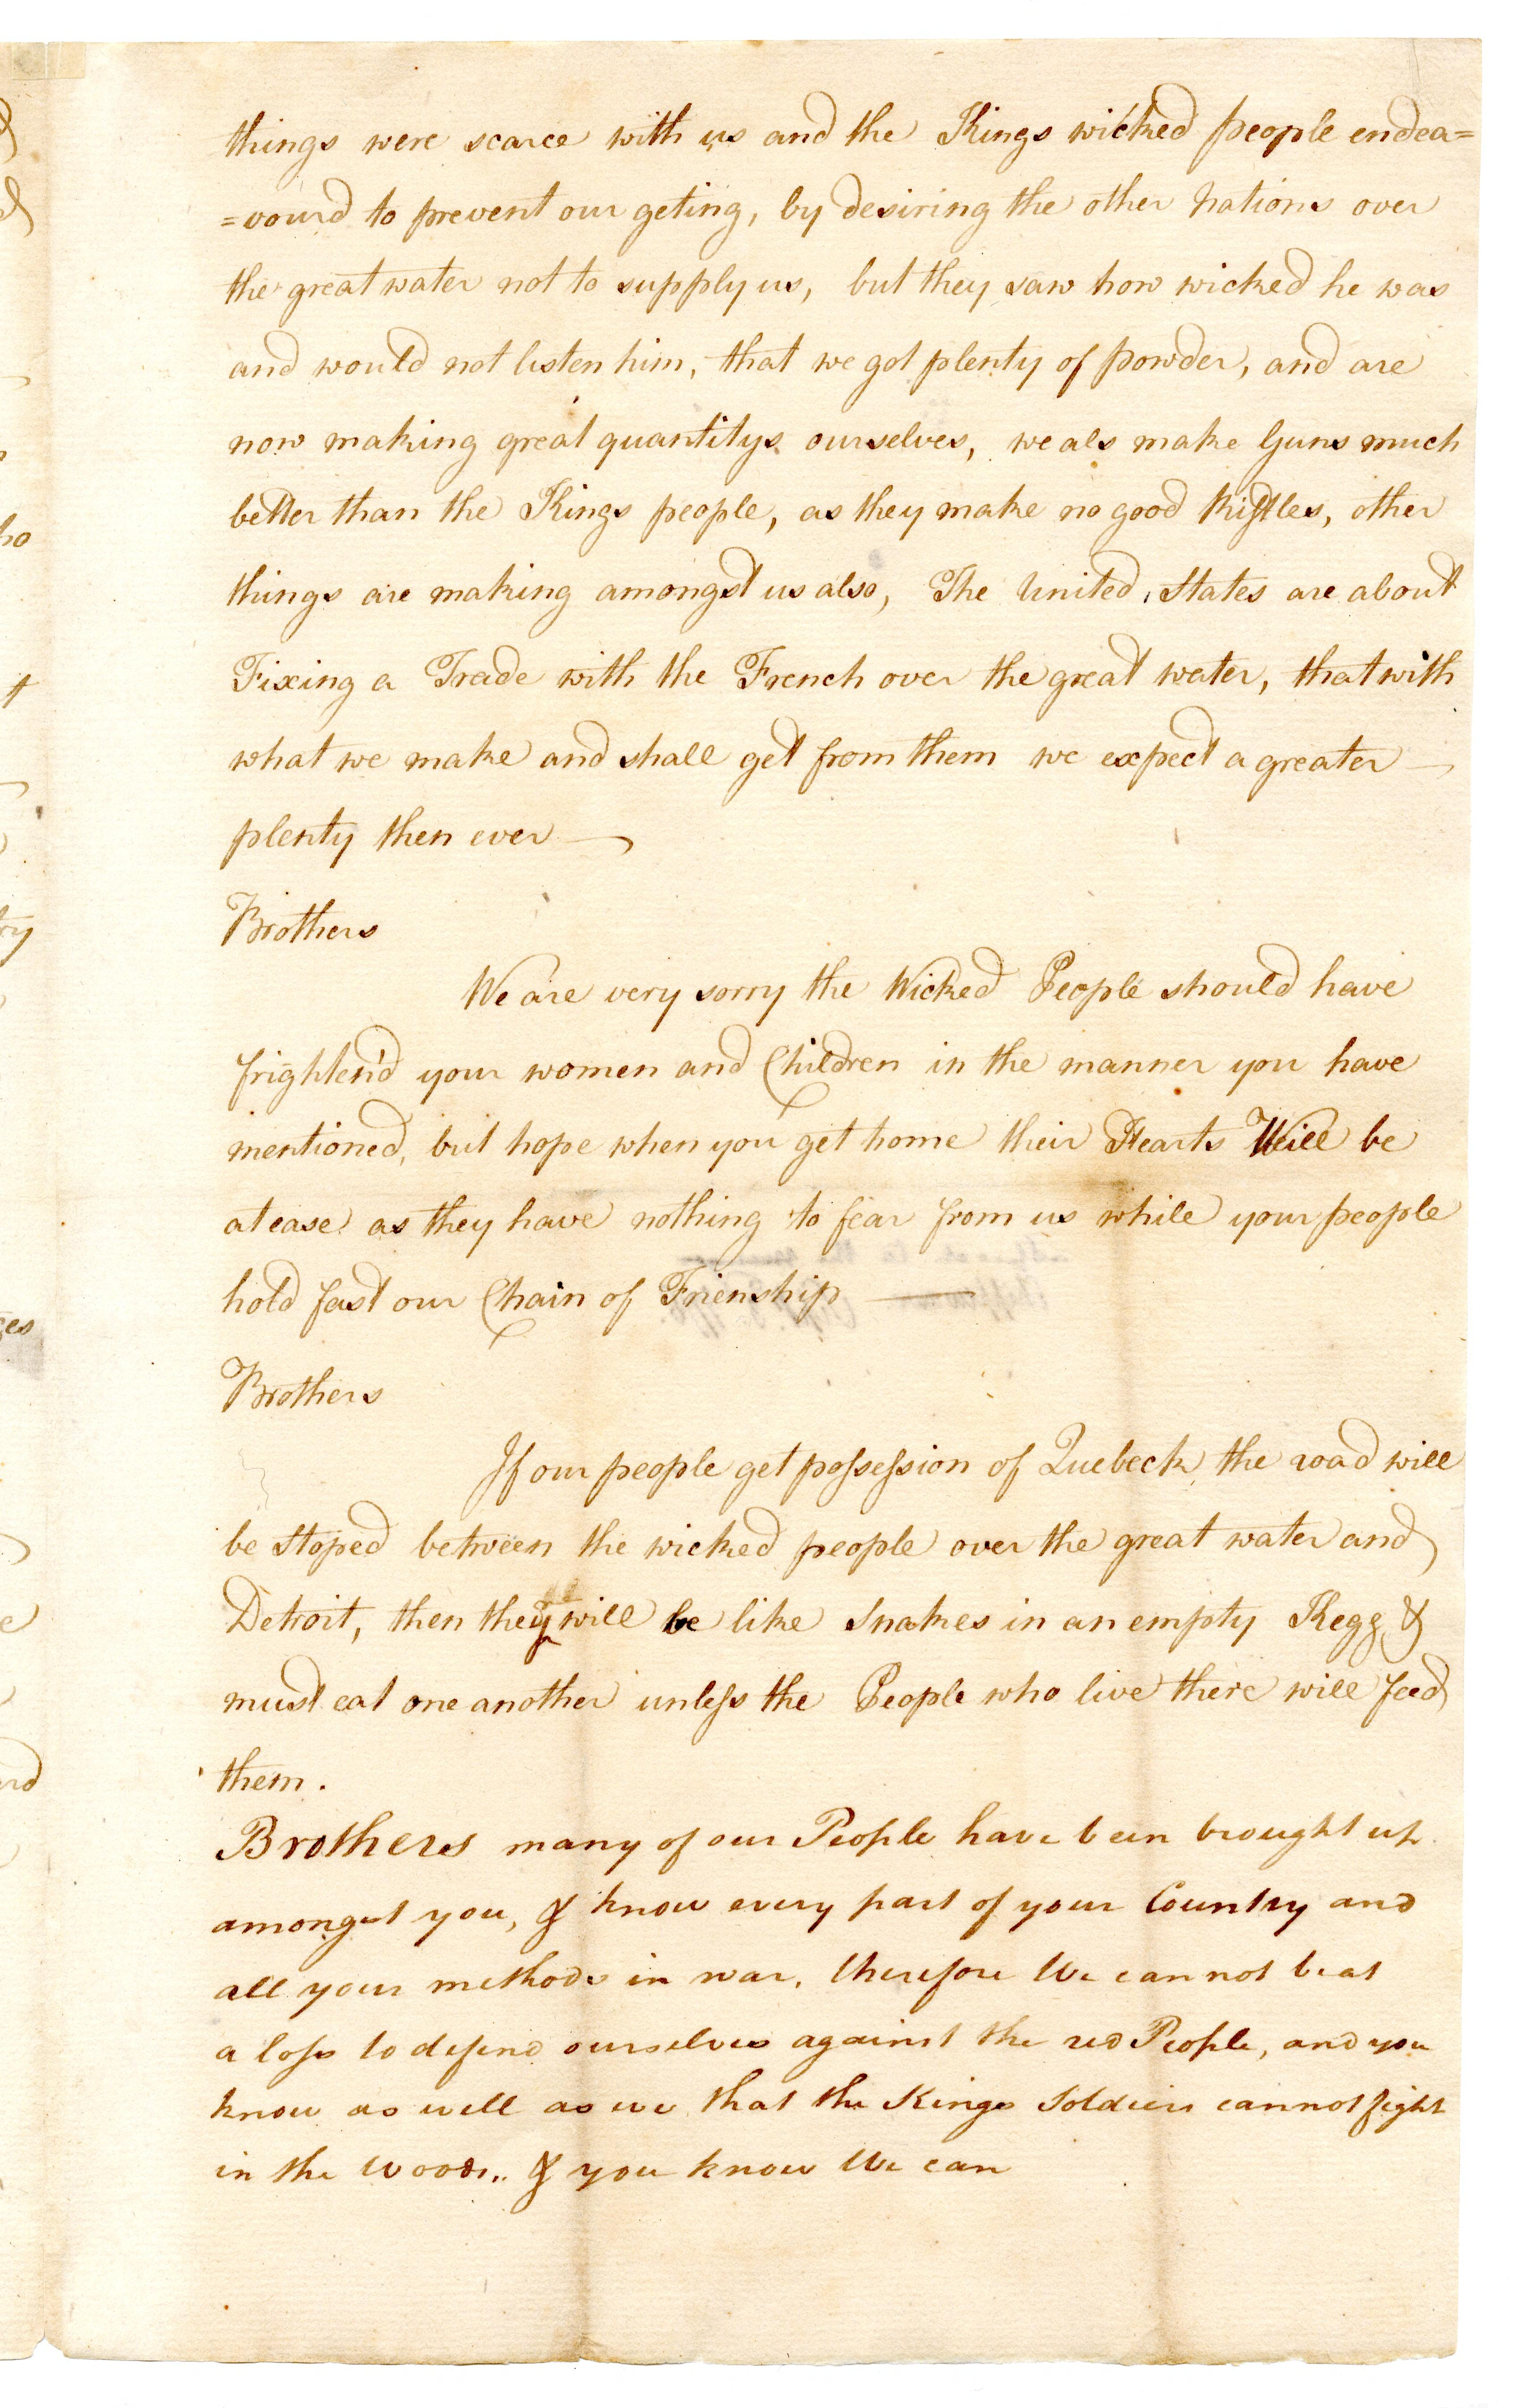things were scarce with us and the Kings wicked people endea-
-vourd to prevent our geting, by desiring the other Nations over
the great water not to supply us, but they saw how wicked he was
and would not listen him, that we got plenty of powder, and are
now making great quantitys ourselves, we also make Guns much
better than the Kings people, as they make no good Rifles, other
things are making amongst us also, The united, States are about
Fixing a Trade with the French over the great water, that with
what we make and shall get from them we expect a greater
plenty then ever-
Brothers
We are very sorry the Wicked People should have
frighten'd your women and Children in the manner you have
mentioned, but hope when you get home their Hearts Will be
at ease as they have nothing to fear from us while your people
hold fast our Chain of Friendship
Brothers
If our people get possession of Quebeck the road will
be stoped between the wicked people over the great water and
Detroit, then they will be like snakes in an empty Kegg &
must eat one another unless the People who live there will feed
them.
Brothers many of our People have been brought up
amongst you, I know every part of your Country and
all your methods in war, therefore We cannot beat
a loss to defend ourselves against the red People, and you
know as well as we that the Kings Soldiers cannot fight
in the woods, & you know we can